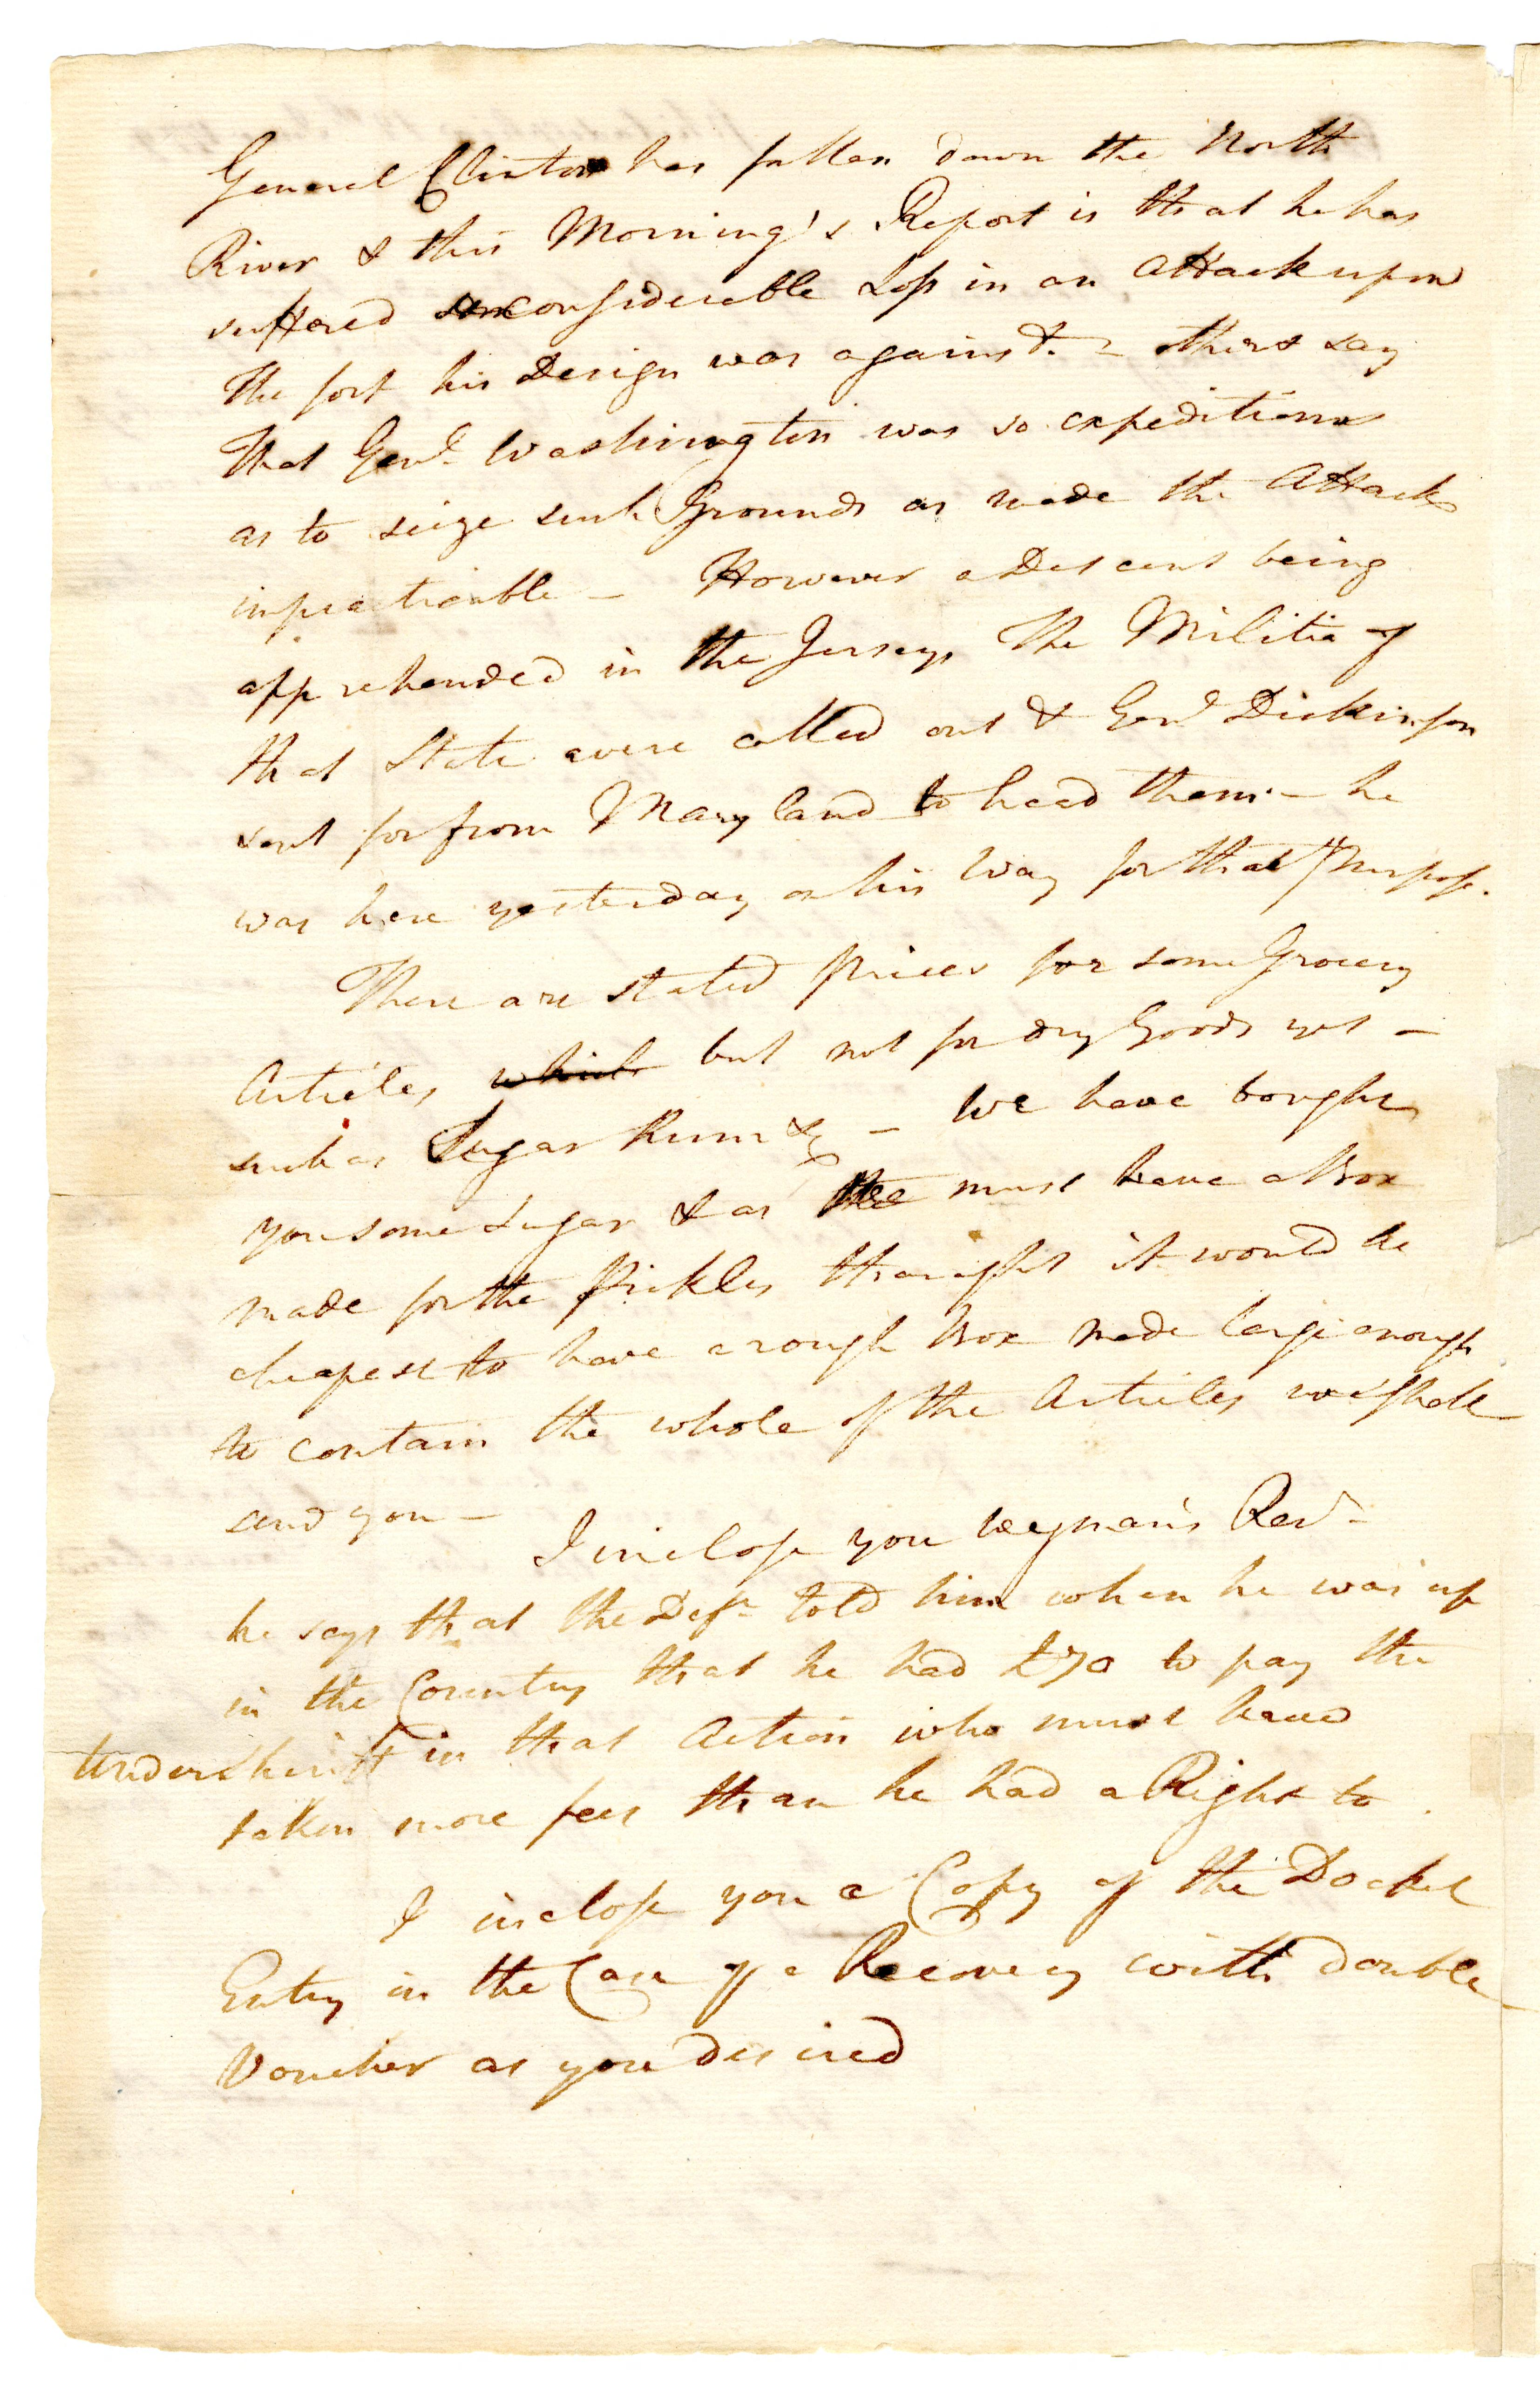General Clinton has fallen down the North
River & this Morning's Report is that he has
suffered Considerable Loss in an Attack upon
the fort his Design was against. others say
That Gen^l. Washington was so expeditious
as to seize such Grounds as made the Attack
inpracticable. However a Descent being
apprehended in the Jersey, The Militia of
that State were called out & Gen^l Dickinson
sent for from Maryland to heed them. he
was here yesterday on his way for that purpose.
There are stated prices for some Grocery
Articles, which but not for dry Goods yet
wribar Sugar Rum &c.- We have bought
you some Sugar & as the must have a Box
made for the Pickles thought it would be
cheapest to have enough Box made large enough
to contain the whole of the Articles we Shall
send you.
I inclose you weyman's Rec^t.
he says that the Dep^t. told him when he was up
in the Country that he had £70 to pay the
tender herit in that Action who must have
taken more fecs than he had a Right to
I inclose you a Copy of the Docket
Entry in the Case y^r Reeves with doube
Voucher as you descried